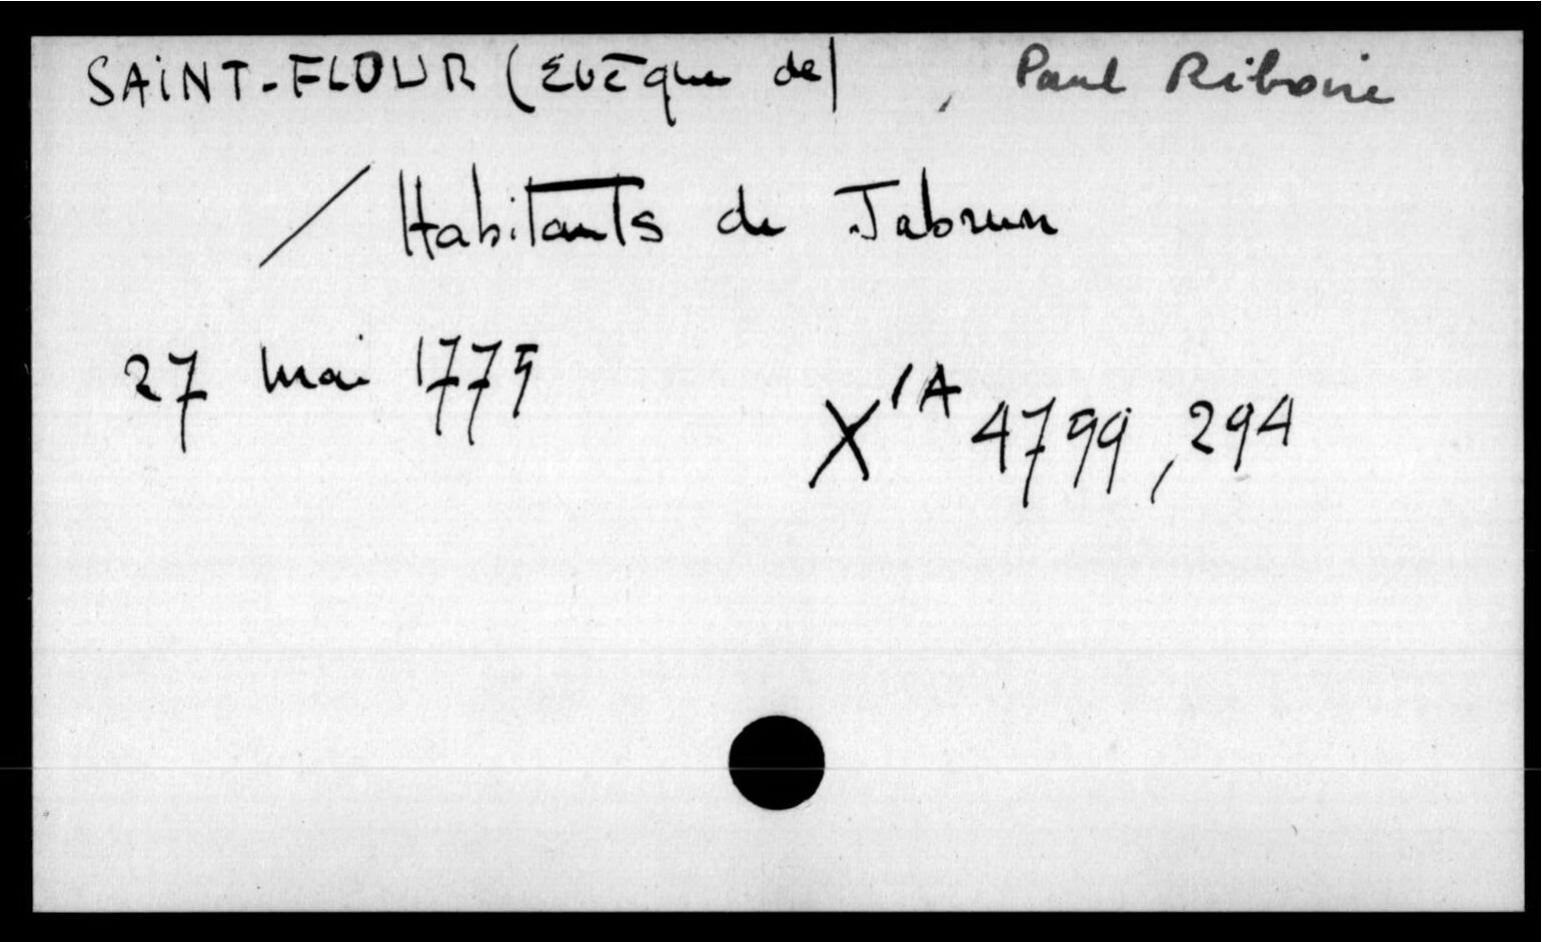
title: SAINT-FLOUR (Évêque de), Paul riboire
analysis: Contre Habitants de Jabrun
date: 27 mai 1775
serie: X1A
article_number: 4799
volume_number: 294
